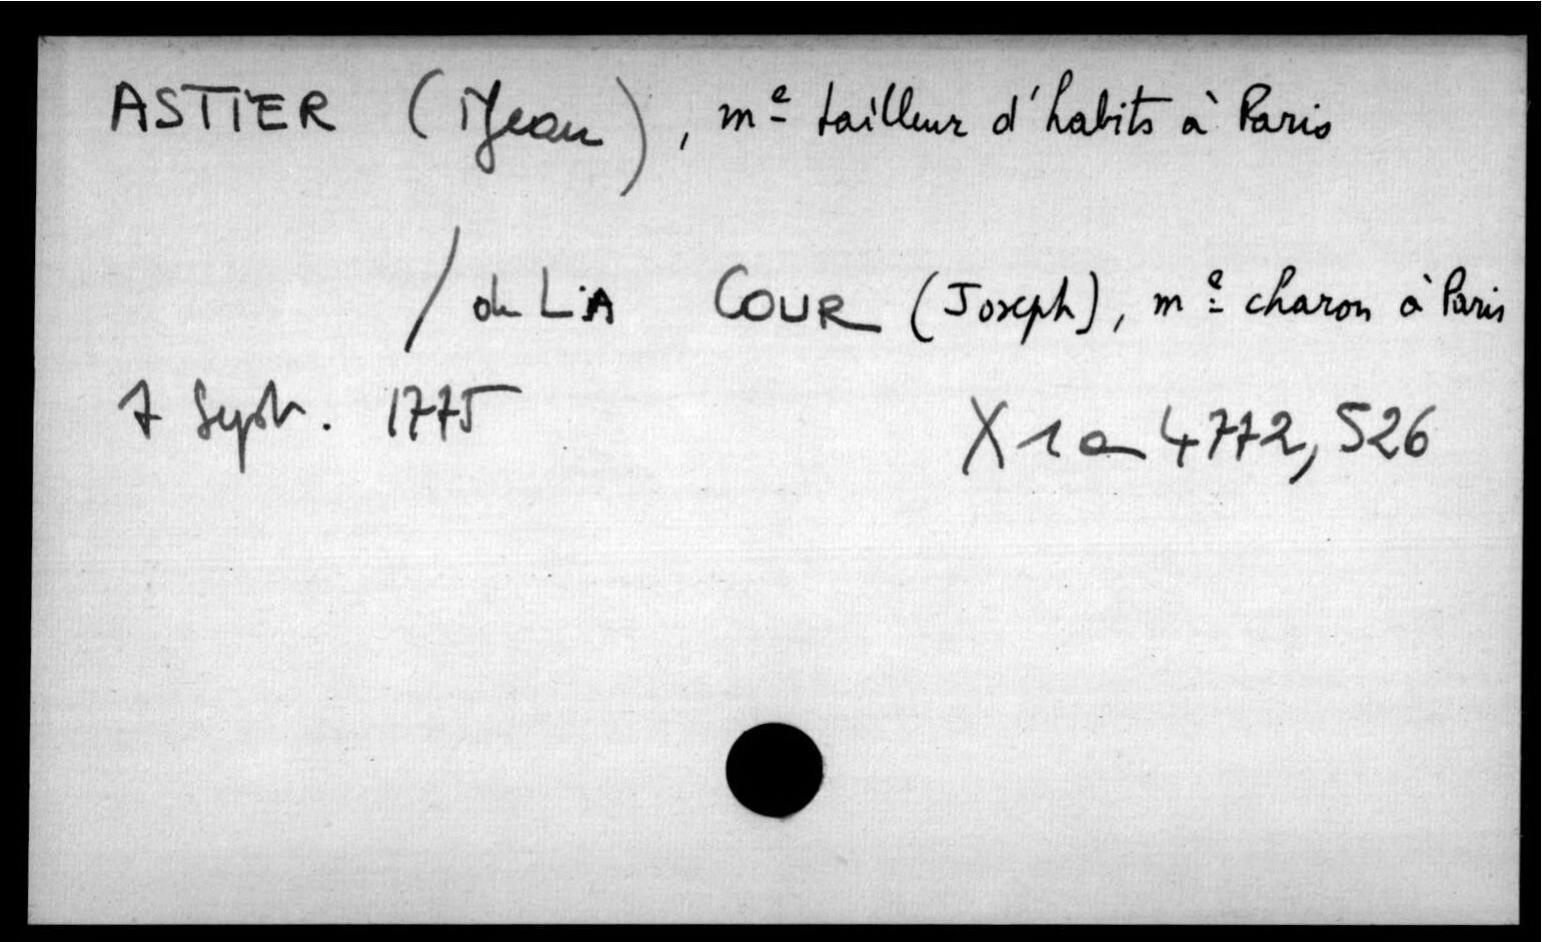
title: ASTIER (Jean), maître-tailleur d'habits à Paris
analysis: Contre de LA COUR (Joseph), maître charon à Paris
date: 7 septembre 1775
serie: X1a
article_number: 4772
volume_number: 526
